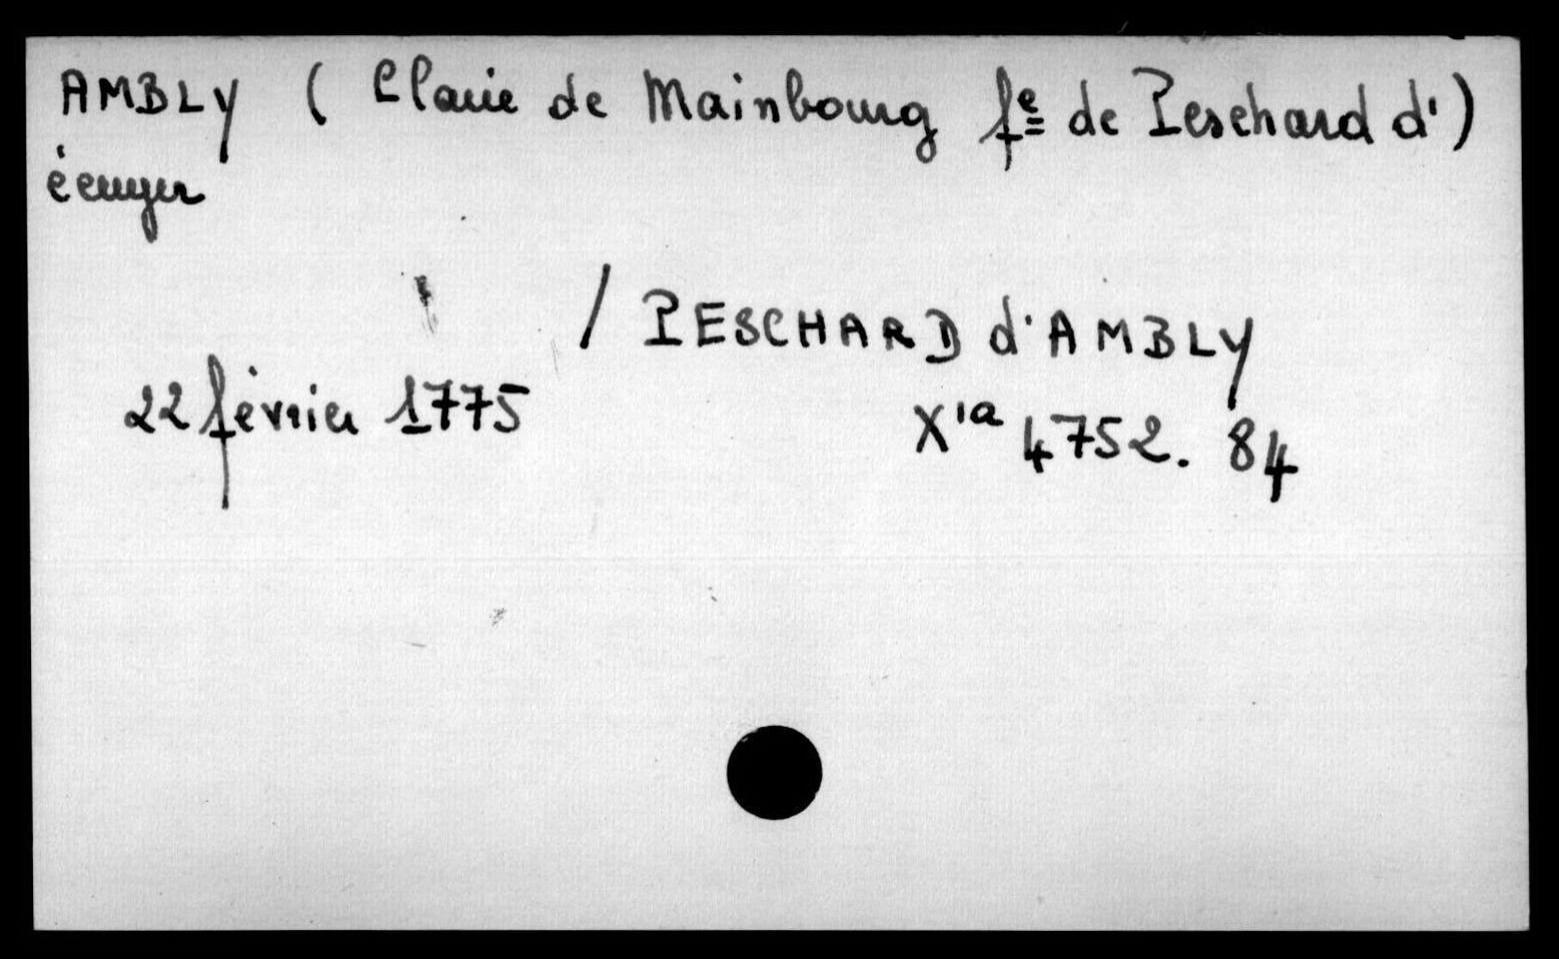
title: AMBLY (Clarie de Mainbourg femme de Peschard d') écuyer
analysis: Contre PESCHARD d'AMBLY
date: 22 février 1775
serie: X1a
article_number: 4752
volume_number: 84
